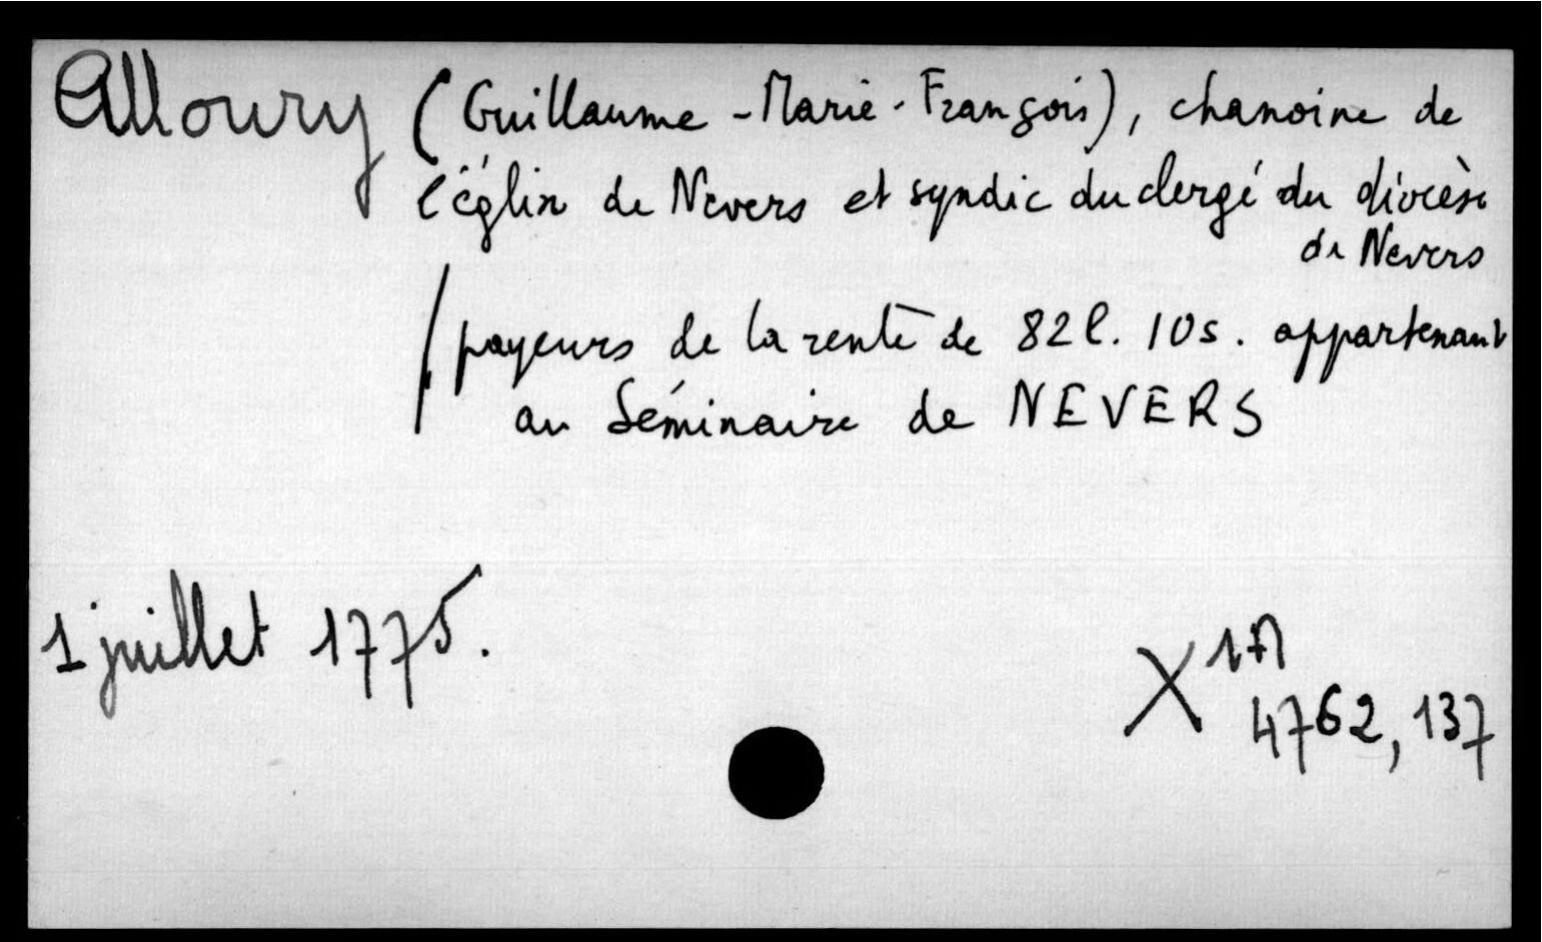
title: Alloury (Guillaume-Marie-François), chanoine de l'église de Nevers et syndic du clergé du diocèse de Nevers
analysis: Contre payeurs de la rente de 82 l. 10 s. appartenant au Séminaire de NEVERS
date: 1 juillet 1775
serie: X1A
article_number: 4762
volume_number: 137
